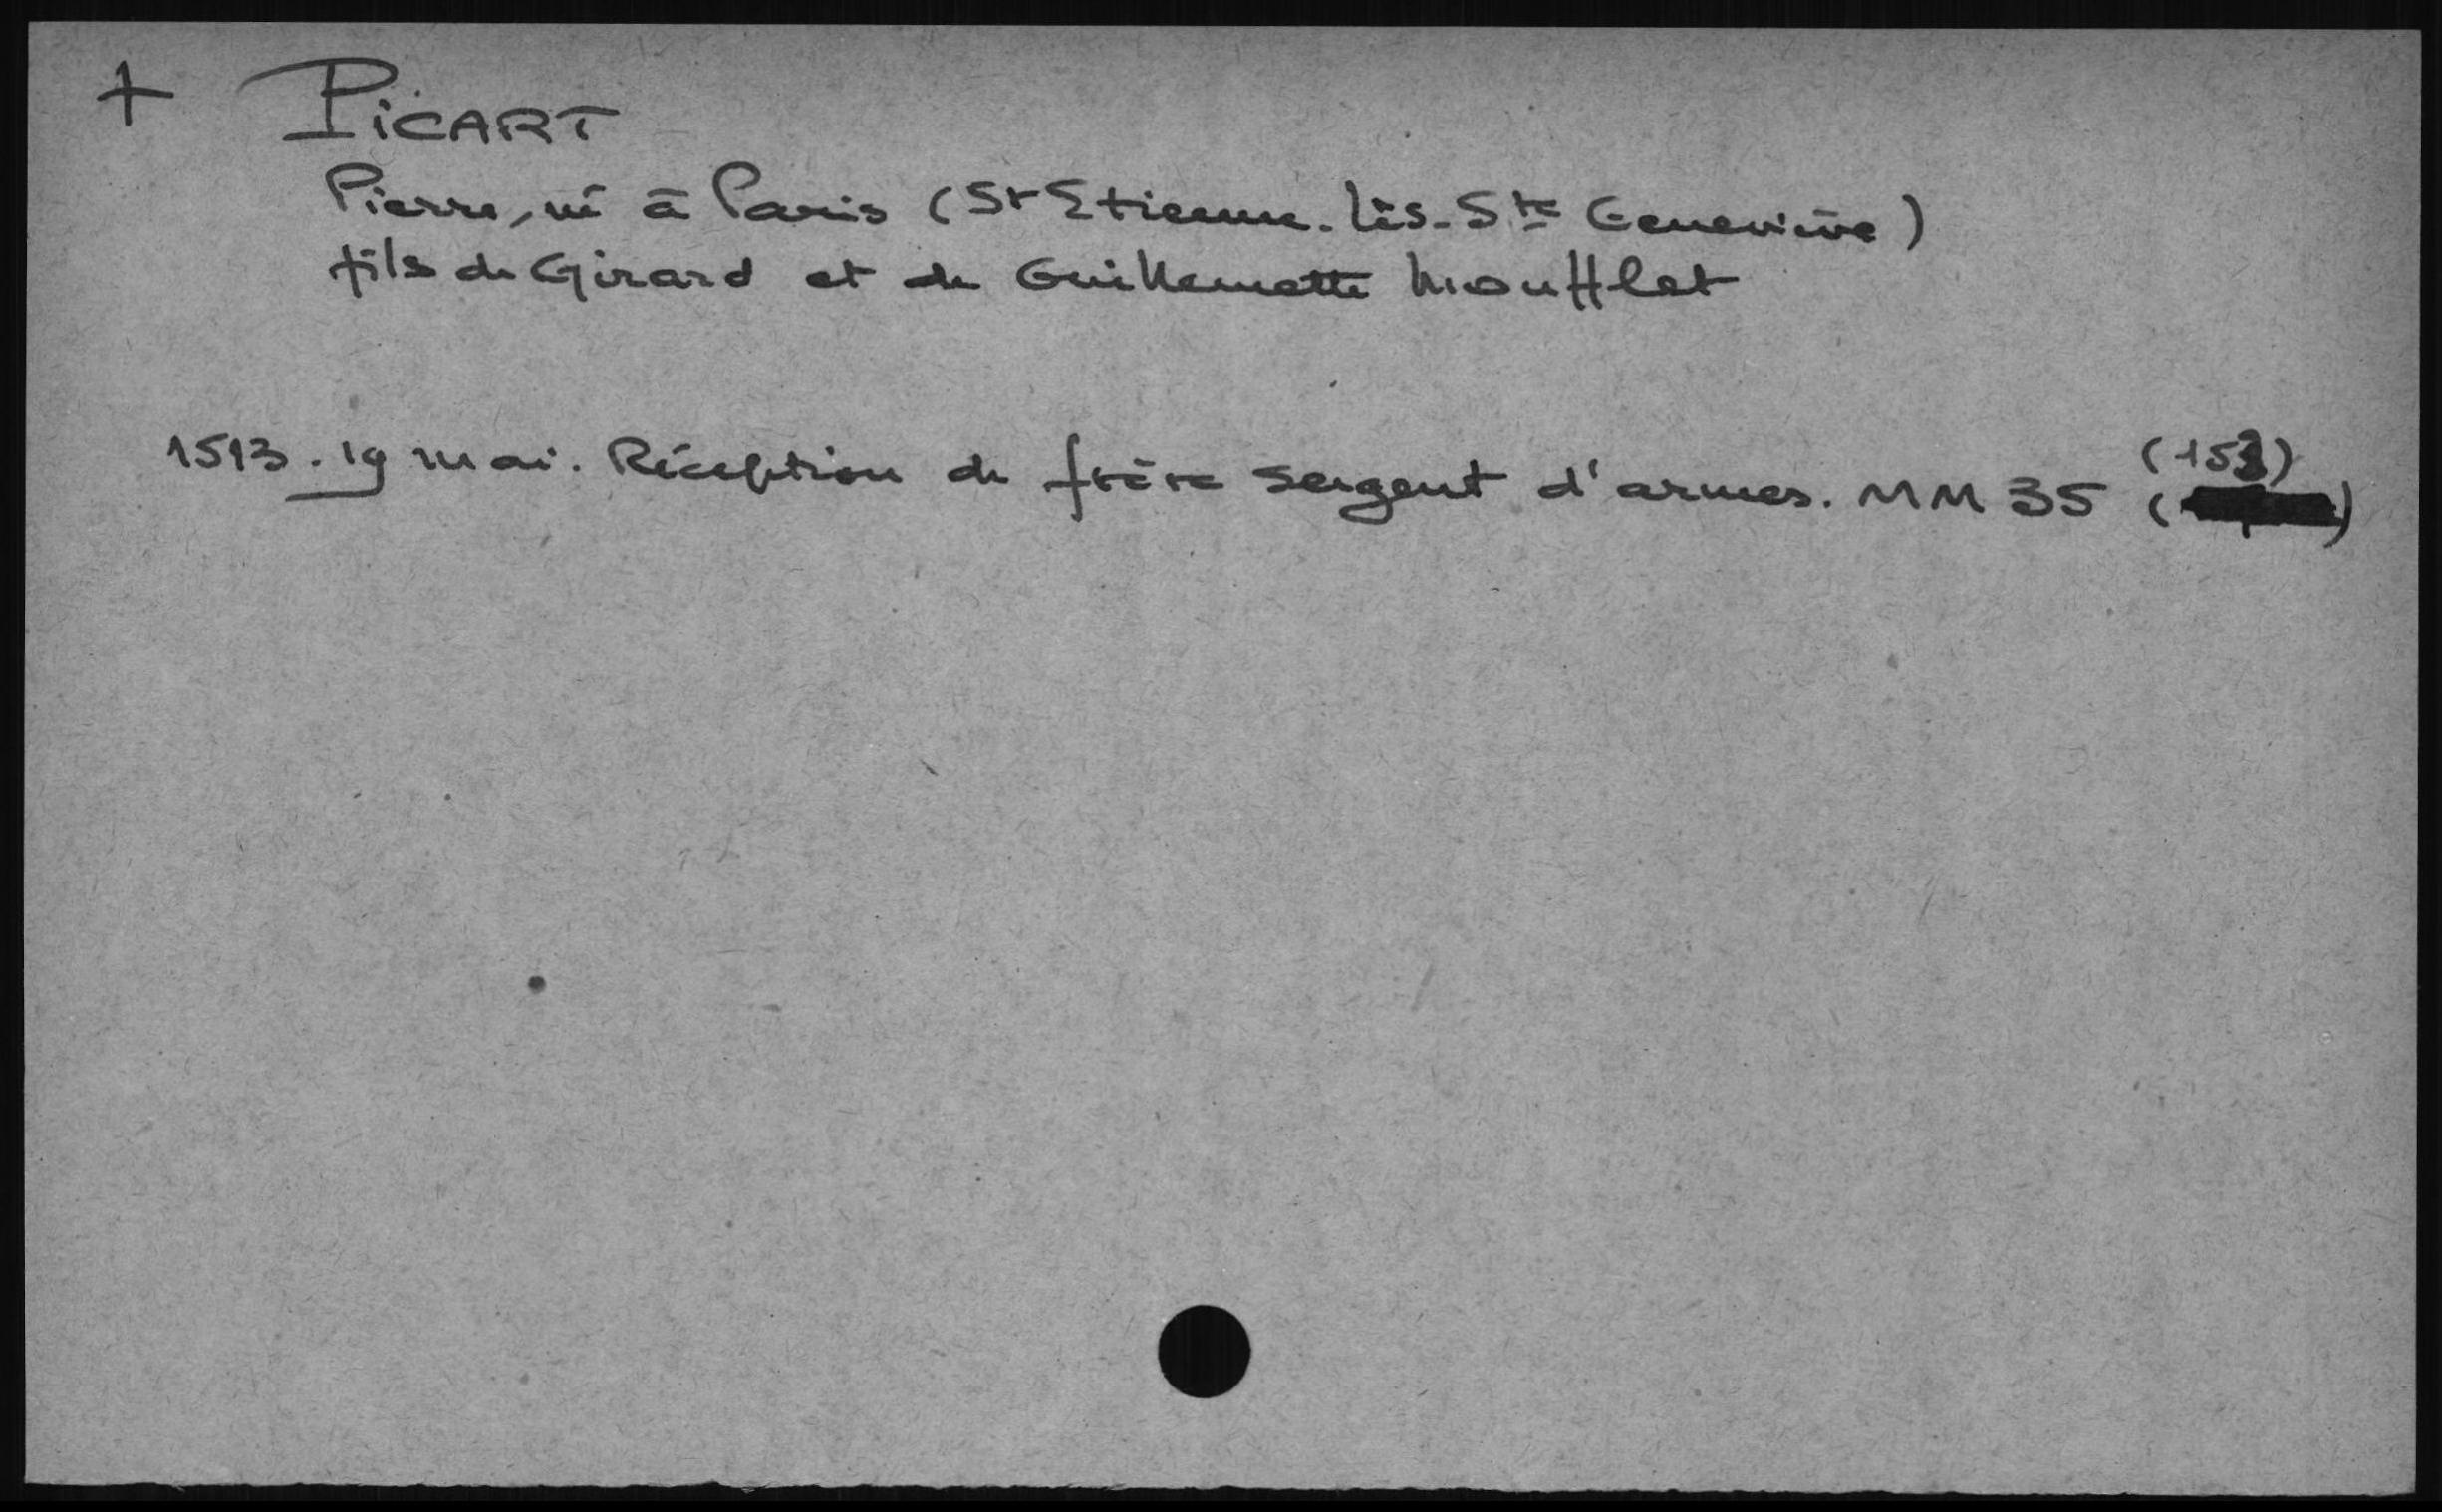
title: + PICART Pierre, né à Paris (Saint Etienne-lès-Sainte Geneviève)
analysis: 1513, 19 mai. Réception de frère sergent d'armes. MM 35 (153)
